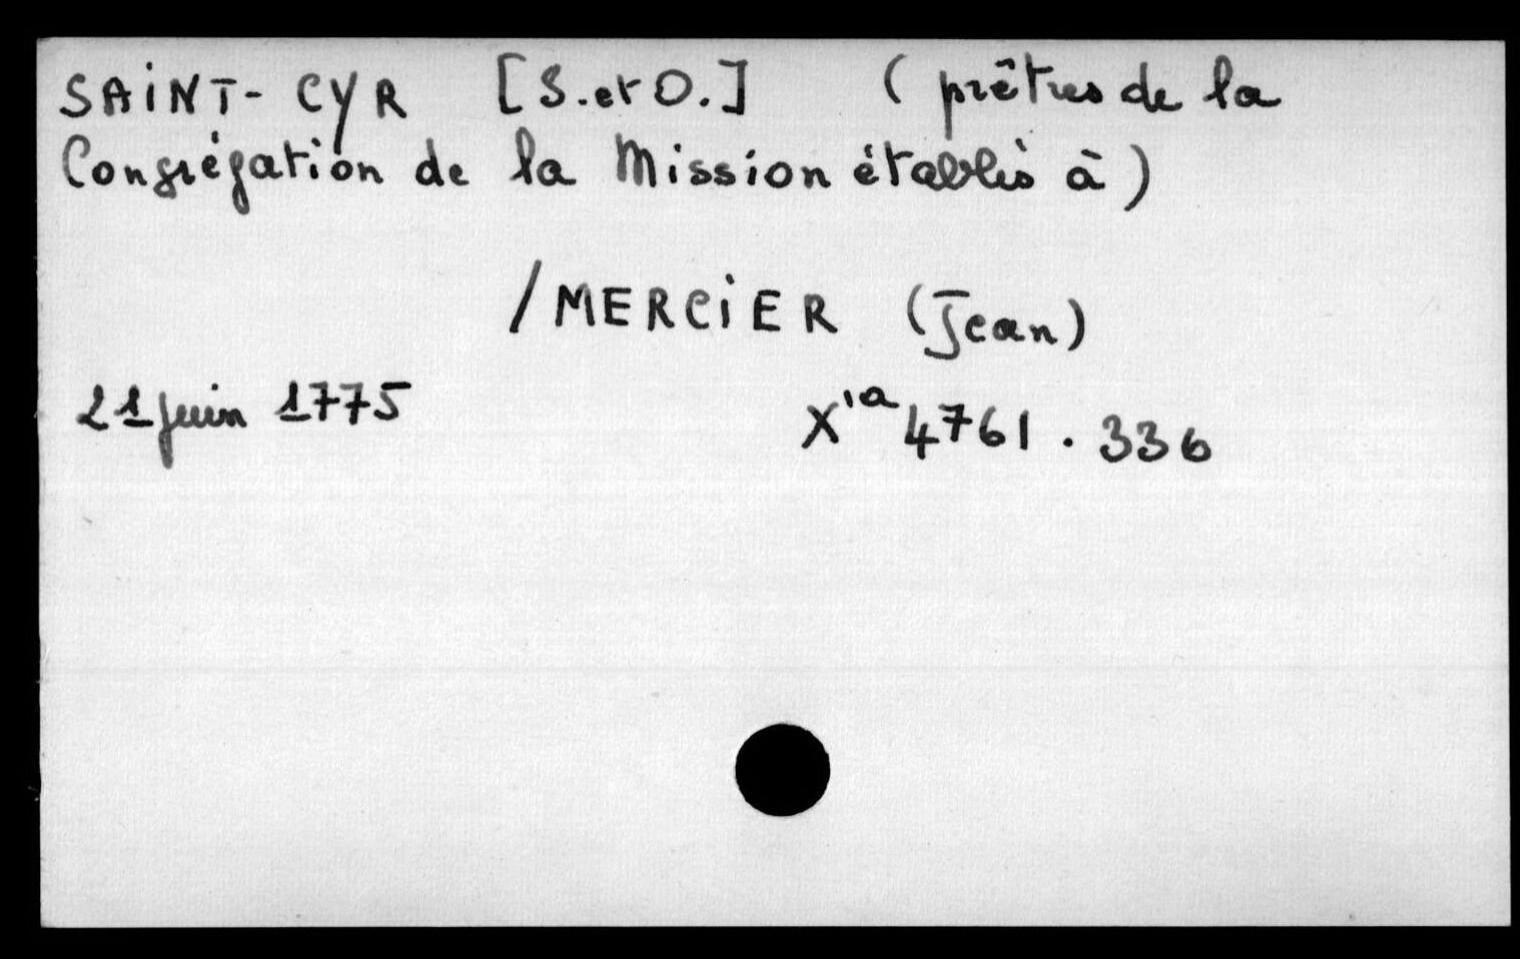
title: SAINT-CYR [Sieur et Oise] (prêtres de la Congrégation de la Mission établie à)
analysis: Contre MERCIER (Jean)
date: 21 juin 1775
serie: X1A
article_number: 4761
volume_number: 336
